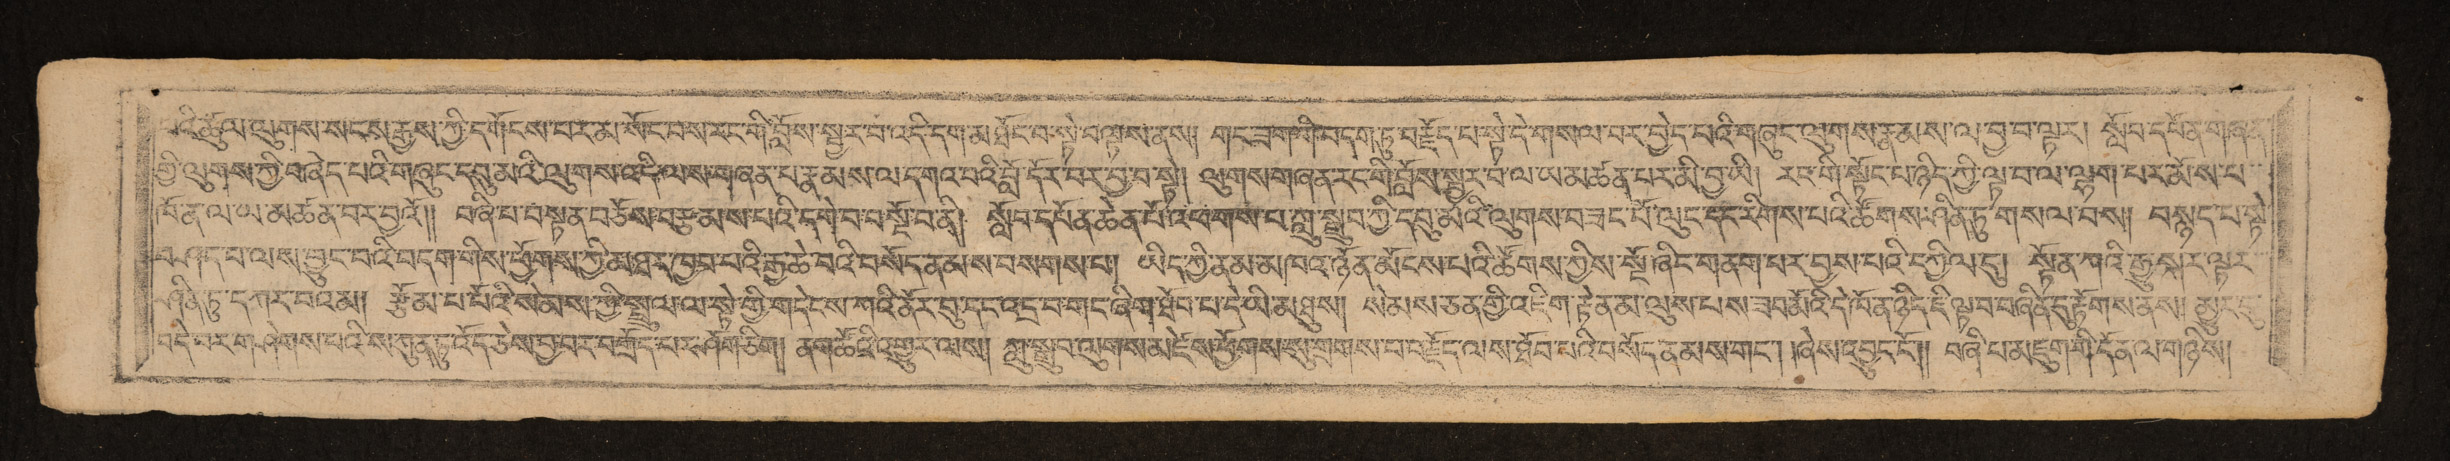པའི་ཚུལ་ལུགས་སངས་རྒྱས་ཀྱི་དགོངས་པར་མ་སོང་བས་རང་གི་བློས་སྦྱར་བ་འདི་དག་མཐོང་བ་སྟེ་བལྟས་ནས། གང་ཟག་གི་བདག་ཏུ་བརྗོད་པ་སྟེ་དེ་གསལ་བར་བྱེད་པའི་གཞུང་ལུགས་རྣམས་ལ་བྱ་བ་ལྟར། སློབ་དཔོན་གཞན་
གྱི་ལུགས་ཀྱི་བཞེད་པའི་གཞུང་དབུ་མའི་ལུགས་འདི་ལས་གཞན་པ་རྣམས་ལ་དགའ་བའི་བློ་དོར་བར་བྱ་བ་སྟེ། ལུགས་གཞན་རང་གི་བློས་སྦྱར་བ་ལ་ཡ་མཚན་པར་མི་བྱ་ཡི། རང་གི་སྟོང་པ་ཉིད་ཀྱི་ལྟ་བ་ལ་ལྷག་པར་མོས་པ་
ཁོ་ན་ལ་ཡ་མཚན་པར་བྱའོ།། བཞི་པ་བསྟན་བཅོས་བརྩམས་པའི་དགེ་བ་བསྔོ་བ་ནི། སློབ་དཔོན་ཆེན་པོ་འཕགས་པ་ཀླུ་སྒྲུབ་ཀྱི་དབུ་མའི་ལུགས་བཟང་པོ་ལུང་དང་རིགས་པའི་ཚོགས་ཤིན་ཏུ་གསལ་བས། བསྙད་པ་སྟེ་
བཤད་པ་ལས་བྱུང་བའི་བདག་གིས་ཕྱོགས་ཀྱི་མཐར་ཁྱབ་པའི་རྒྱ་ཆེ་བའི་བསོད་ནམས་བསགས་པ། ཡིད་ཀྱི་ནམ་མཁའི་ཉོན་མོངས་པའི་ཚོགས་ཀྱིས་སྔོ་ཞིང་གནག་པར་བྱས་པའི་དཀྱིལ་དུ། སྟོན་ཀའི་རྒྱུ་སྐར་ལྟར་
ཤིན་ཏུ་དཀར་བའམ། རྩོམ་པ་པོའི་སེམས་ཀྱི་སྤྲུལ་ལ་སྟེ་གྱི་གདེངས་ཀའི་ནོར་བུ་དང་འདྲ་བ་གང་ཞིག་ཐོབ་པ་དེ་ཡི་མཐུས། སེམས་ཅན་གྱི་འཇིག་རྟེན་མ་ལུས་པས་ཟབ་མོའི་དེ་ཁོ་ན་ཉིད་ཇི་ལྟ་བ་བཞིན་དུ་རྟོགས་ནས། མྱུར་དུ་
བདེ་བར་གཤེགས་པའི་ས་ཀུན་ཏུ་འོད་ཅེས་བྱ་བར་བགྲོད་པར་ཤོག་ཅིག། ནག་ཚོའི་འགྱུར་ལས། ཀླུ་སྒྲུབ་ལུགས་མཛེས་ཕྱོགས་སུ་གྲགས་པ་བརྗོད་ལས་ཐོབ་པའི་བསོད་ནམས་གང་། ཞེས་འབྱུང་ངོ།། བཞི་པ་མཇུག་གི་དོན་ལ་གཉིས།